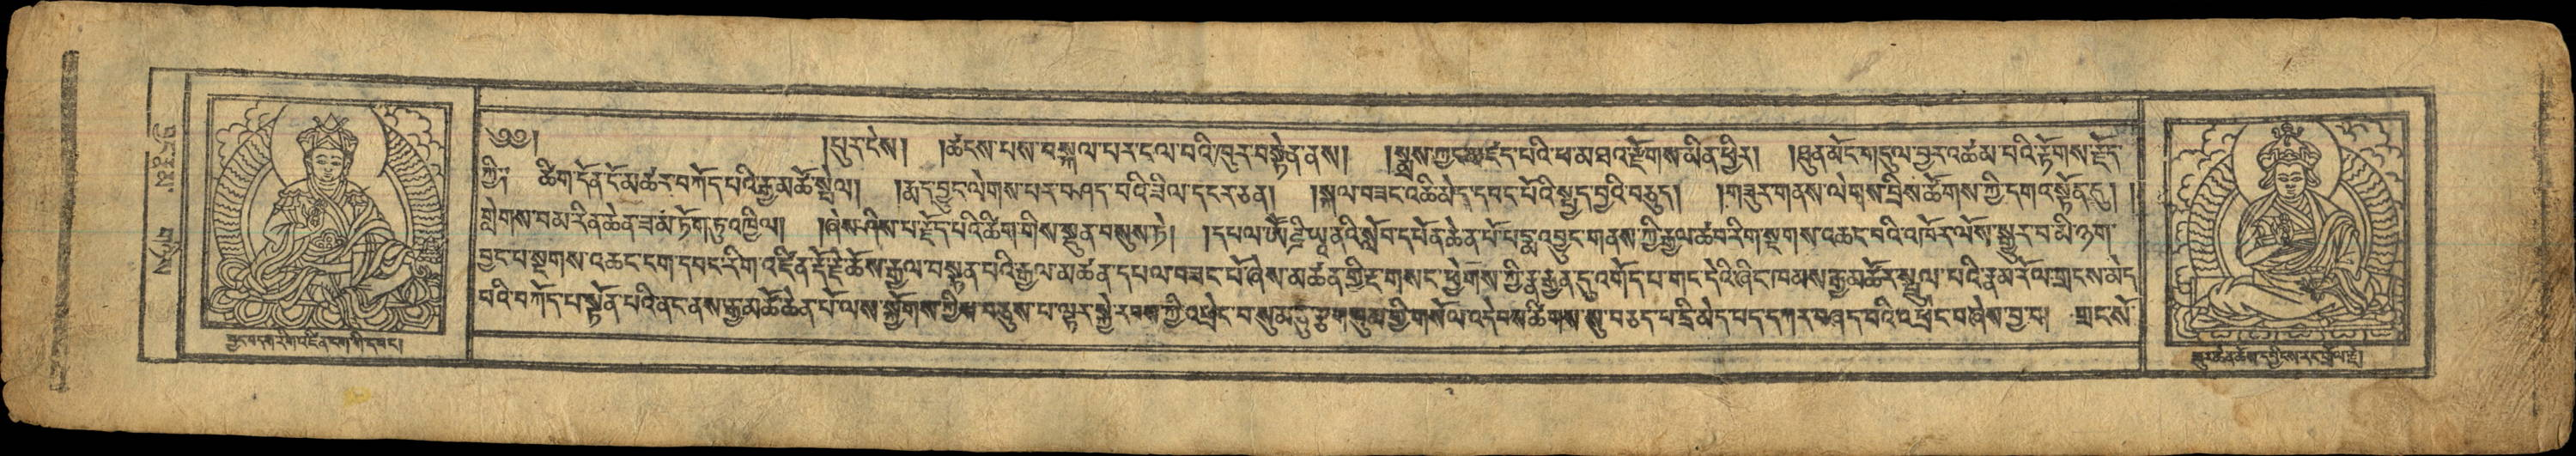༄༅། །པུར་ངེས། །ཚངས་པས་བསྐལ་པར་ངལ་བའི་ཁུར་བསྟེན་ནས། །སྨྲས་ཀྱང་མཛད་པའི་ཕ་མཐའ་རྫོགས་མིན་ཕྱིར། །ཐུན་མོང་གདུལ་བྱར་འཚམ་པའི་རྟོགས་རྗོད་
ཀྱི༑ ཚིག་དོན་ངོ་མཚར་བཀོད་པའི་རྒྱ་མཚོ་སྤེལ། །རྨད་བྱུང་ལེགས་པར་བཤད་པའི་ཟིལ་དངར་ཅན། །སྐལ་བཟང་འཆི་མེད་དབང་པོའི་སྤྱད་བྱའི་བཅུད། །གཟུར་གནས་ལེགས་བྲིས་ཚོགས་ཀྱི་དགའ་སྟོན་དུ། །
གླེགས་བམ་རིན་ཆེན་ཟ་མ་ཏོག་ཏུ་འཁྱིལ། །ཞེས་ཤིས་བརྗོད་པའི་ཚིག་གིས་སྡུན་བསུས་ཏེ། །དཔལ་ཨཽཌྜི་ཡཱ་ནའི་སློབ་དཔོན་ཆེན་པོ་པདམ་འབྱུང་གནས་ཀྱི་རྒྱལ་ཚབ་རིག་སྔགས་འཆང་བའི་འཁོར་ལོས་སྒྱུར་བ་མི་ཉག་
བྱང་པ་སྔགས་འཆང་ངག་དབང་རིག་འཛིན་རྡོ་རྗེ་ཆོས་རྒྱལ་བསྟན་པའི་རྒྱལ་མཚན་དཔལ་བཟང་པོ་ཞེས་མཚན་གྱི་རྔ་གསང་ཕྱོགས་ཀྱི་རྣ་རྒྱན་དུ་འགོད་པ་གང་དེའི་ཞིང་ཁམས་རྒྱ་མཚོར་སྤྲུལ་པའི་རྣམ་རོལ་གྲངས་མེད་
པའི་བཀོད་པ་སྟོན་པའི་ནང་ནས་རྒྱ་མཚོ་ཆེན་པོ་ལས་སྐྱོགས་ཀྱིས་བཅུས་?་སྐྱེ་རབས་ཀྱི་འཕྲེང་བ་སུམ་ཅུ་རྩ་གསུམ་གྱི་གསོལ་འདེབས་ཚིགས་སུ་བཅད་པ་དྲི་མེད་པད་དཀར་བཞད་པའི་འཕྲེང་བཞེས་བྱ་བ། གྲང་སོ་